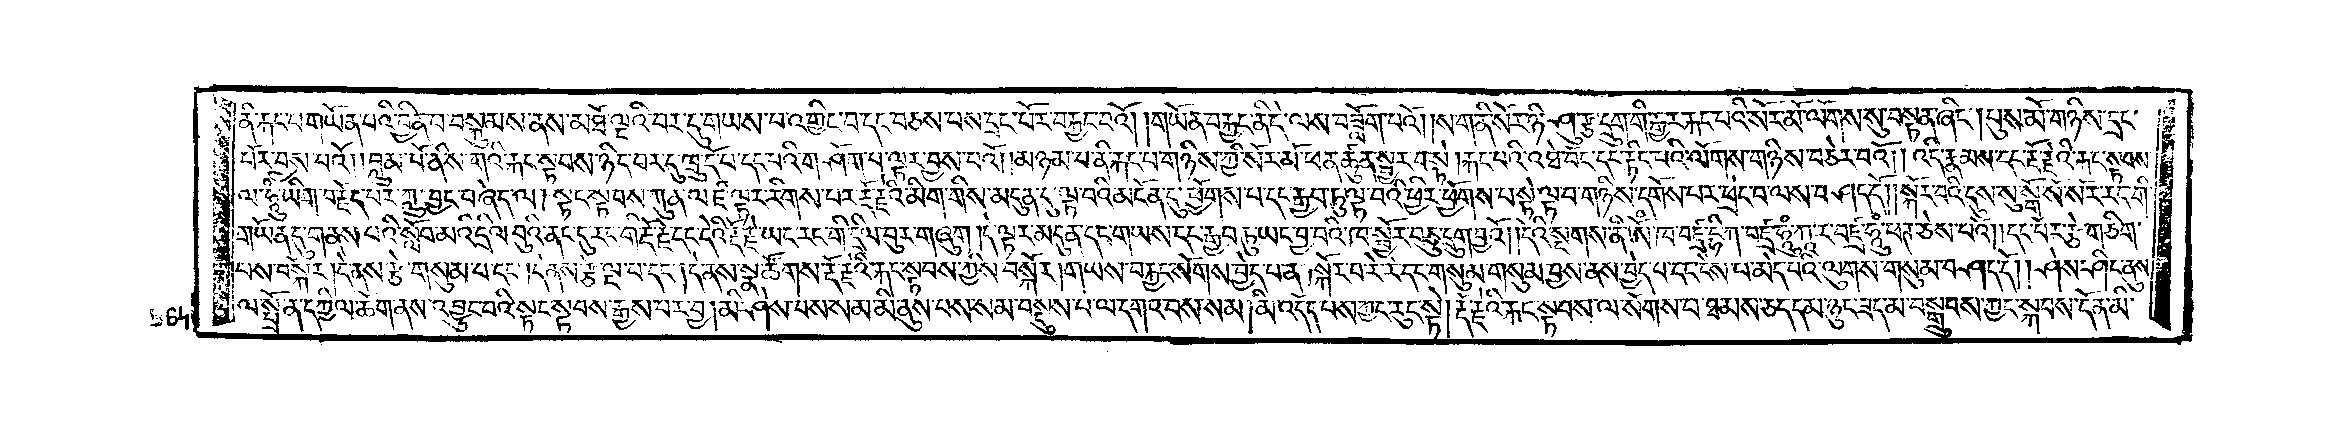ནི་རྐང་པ་གཡོན་པའི་བྱིན་པ་བསྐུམས་ནས་མཐོ་ལྔའི་བར་དུ་གཡས་པ་འགྱིང་བ་དང་བཅས་པས་དྲང་པོར་བརྐྱང་བའོ། །གཡོན་བརྐྱང་ནི་དེ་ལས་བཟློག་པའོ། །ས་ག་ནི་སོར་ཉི་ཤུ་རྩ་དྲུག་གི་རྒྱར་རྐང་བའི་སོར་མོ་ལོགས་སུ་བསྟན་ཞིང་། པུས་མོ་གཉིས་དྲང་
པོར་བྱས་པའི། །ཟླུམ་པོ་ནི་ས་གའི་རྐང་སྟབས་ཉིད་བར་དུ་ཁྲུ་དོ་པ་ངང་པའི་གཤོག་པ་ལྟར་བྱས་པའོ། །མཉམ་པ་ནི་རྐང་པ་གཉིས་ཀྱི་སོར་མོ་ཕན་ཚུན་སྦྱར་བ་སྟེ། རྐང་པའི་འཐེ་བོང་དང་རྟིང་པའི་ལོགས་གཉིས་བཅེར་བའོ། །འདི་རྣམས་དང་རྡོ་རྗེའི་རྐང་སྟབས་
ལ་ཧཱུཾ་ཡིག་བརྗོད་པར་ཀླུ་བྱང་བཞེད་ལ། སྟང་སྟབས་ཀུན་ལ་ཇི་ལྟར་རིགས་པར་རྡོ་རྗེའི་མིག་གིས་མདུན་དུ་ལྟ་བའི་མངོན་དུ་ཕྱོགས་པ་དང་རྒྱབ་ཏུ་ལྟ་བའི་ཕྱིར་ཕྱོགས་པ་སྟེ་ལྟ་བ་གཉིས་དགོས་པར་ཕྲེང་བ་ལས་བཤད་དོ། །སྐོར་བའི་དུས་སུ་སྒེ་སོ་སོར་རང་གི་
གཡོན་དུ་གནས་པའི་སློབ་མའི་དྲིལ་བུའི་ནང་དུ་རང་གི་རྡོ་རྗེ་དང་དེའི་རྡོ་རྗེ་ཡང་རང་གི་དྲིལ་ངུར་གཞུག །དེ་ལྟར་མདུན་དང་གཡས་དང་རྒྱབ་ཏུ་ཡང་བྱ་བའི་ཁ་སྦྱོར་བཅུ་དྲུག་བྱའོ། །དེའི་སྔགས་ནི་ཨོཾ་ཁ་བཛྲ་དྷི་ཀ་བཛྲ་ཧཱུཾ་ཀཱ་ར་བཛྲ་ཧཱུཾ་ཕཊ་ཅེས་པའོ། །དང་པོར་རྩེ་གཅིག་
པས་བསྐོར། དེ་ནས་རྩེ་གསུམ་པ་དང་། དེ་ནས་རྩེ་ལྔ་པ་དང་། དེ་ནས་སྣ་ཚོགས་རྡོ་རྗེའི་རྐང་སྟབས་ཀྱིས་བསྐོར། གཡས་བརྐྱང་སོགས་བྱེད་པ་ན། སྐོར་བ་རེ་རེ་དང་གསུམ་གསུམ་བྱས་ནས་བྱེད་པ་དང་ངེས་པ་མེད་པའི་ལུགས་གསུམ་བཤད་དོ། །ཤེས་ཤིང་ནུས་
ལ་སྤྲོ་ན་དཀྱིལ་ཆོག་ནས་འབྱུང་བའི་སྟང་སྟབས་རྒྱས་པར་བྱ། མི་ཤེས་པས་སམ་མི་ནུས་པས་སམ་བསྡུས་པ་ལ་དགའ་བས་སམ། མི་འདོད་པས་ཀྱང་རུང་སྟེ། རྡོ་རྗེའི་རྐང་སྟབས་ལ་སོགས་པ་ཐམས་ཅད་དམ་ཉུང་ཟད་མ་བསྒྲུབས་ཀྱང་སྐབས་དོན་མི་